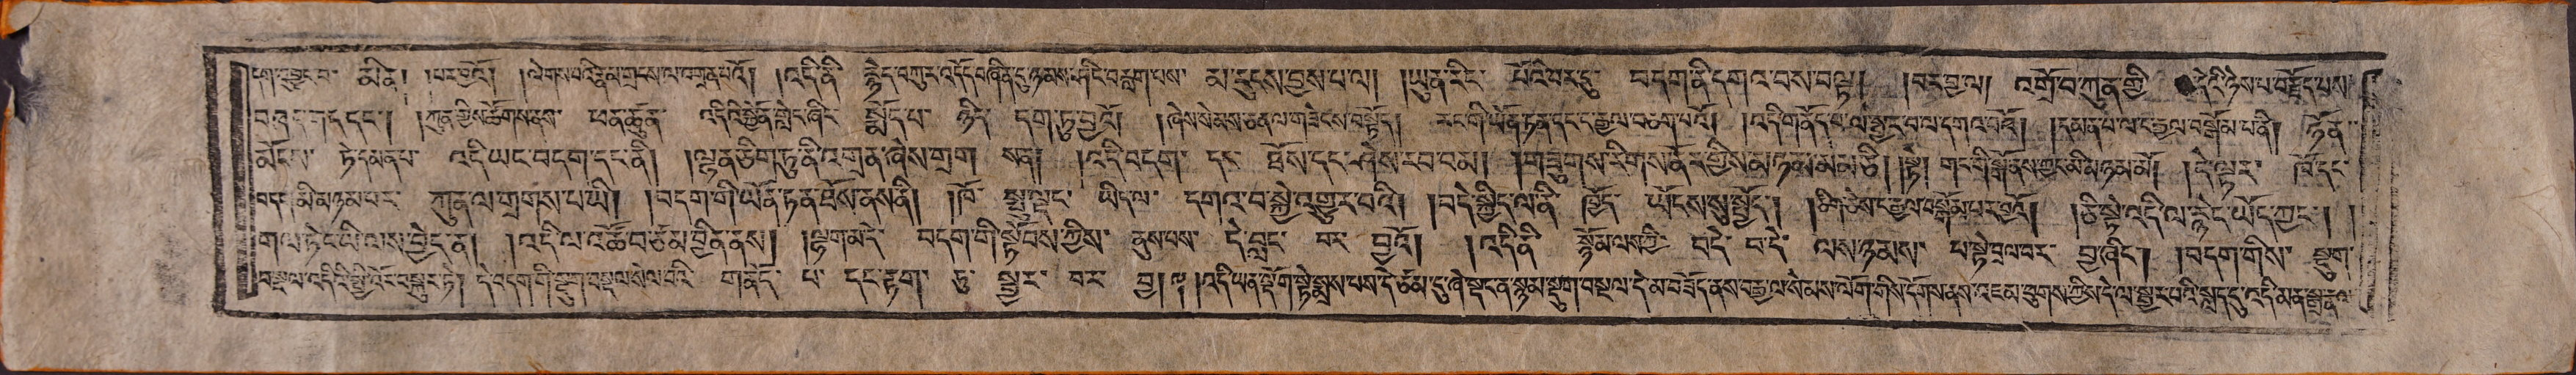དག་འབྱུང་བ་མིན། །པར་བྱའོ། །ལེགས་པའི་རྣམ་གྲངས་ལ་འགྲན་པའོ།  །འདི་ནི་རྙེད་བཀུར་འདོད་བཞིན་དུ་ཉམས་ཤིང་བརླག་པས་མ་རུངས་བྱས་པ་ལ། །ཡུན་རིང་པོའི་བར་དུ་བདག་ནི་དགའ་བས་བལྟ། །བར་བྱ་ལ།  འགྲོ་བ་ཀུན་གྱི་ས་དེའི་ཉེས་པ་བརྗོད་པས།
བཞད་གད་དང་། །ཀུན་གྱིས་ཚོགས་ནས།  ཕན་ཚུན་འདིའི་སྐྱོན་གླེང་ཞིང་སྨོད་པ་ཉིད་དག་ཏུ་བྱའོ། །ཞེས་སེམས་ཅན་ལ་གཟེངས་བསྟོད། རང་གི་ཡོན་ཏན་དང་ང་རྒྱལ་བཅག་པའོ། །འདི་གནོད་པ་ལ་སྦྱར་བ་ལ་དགའ་བའོ། །དམན་པ་ལ་ང་རྒྱལ་བསྒོམ་པ་ནི།  ཉོན་
མོངས་ཏེ་དམན་པ་འདི་ཡང་བདག་དང་ནི། །ལྷན་ཅིག་ཏུ་ནི་འགྲན་ཞེས་གྲག་ས་ན།  །འདི་བདག་དང་ཐོས་དང་ཤེས་རབ་བམ། །གཟུགས་རིགས་ནོར་གྱིས་མཉམ་མམ་ཅི། །སྟེ། གང་གི་སྒོ་ནས་ཀྱང་མི་མཉམ་མོ།  །དེ་ལྟར་ཁོ་དང་
བདག་མི་མཉམ་པར་ཀུན་ལ་གྲགས་པ་ཡི། །བདག་གི་ཡོན་ཏན་ཐོས་ནས་ནི། །ཁོ་སྤུ་ལྡང་ཡིད་ལ་དགའ་བ་སྐྱེ་འགྱུར་པའི། །བདེ་སྐྱིད་ལ་ནི་ཁྱོད་ཡོངས་སུ་སྤྱོད། །ཅིག་ཅེས་ང་རྒྱལ་བསྒོམ་པར་བྱའོ། །ཅི་སྟེ་འདི་ལ་རྙེད་ཡོད་ཀྱང་།
གལ་ཏེ་བ་ཡི་ལས་བྱེད་ན། །འདི་ལ་འཚོ་བ་ཙམ་བྱིན་ནས། །ལྷག་མ་དེ་བདག་གི་སྟོབས་ཀྱིས་ནུས་པས་དེ་བླང་བར་བྱའོ། །འདི་ནི་སྙོམ་ལས་ཀྱི་བདེ་བ་དེ་ལས་ཉམས་པ་སྟེ་བྲལ་བར་བྱ་ཞིང་། །བདག་གིས་སྡུག་
བསྔལ་འདིའི་སྤྱི་བོར་བསྐུར་ཏེ། དེ་བདག་གི་སྡུག་བསྔལ་སེལ་བའི་གནོད་བ་དང་རྟག་ཏུ་སྦྱར་བར་བྱ། ༈ །འདི་ཡན་ལྡོག་སྟེ་སྨྲས་པས་དེ་ཙམ་དུ་ཞེ་སྡང་ན་སྙམ་སྡུག་བསྔལ་དེ་མ་བཟོད་ནས་བརྒྱ་ལ་སེམས་ལོག་གིས་དོགས་ནས་འཇམ་ཕུགས་ཀྱིས་དེ་ལ་སྦྱར་བའི་སླད་དུ་འདི་མན་སྒྲ་རྣལ་